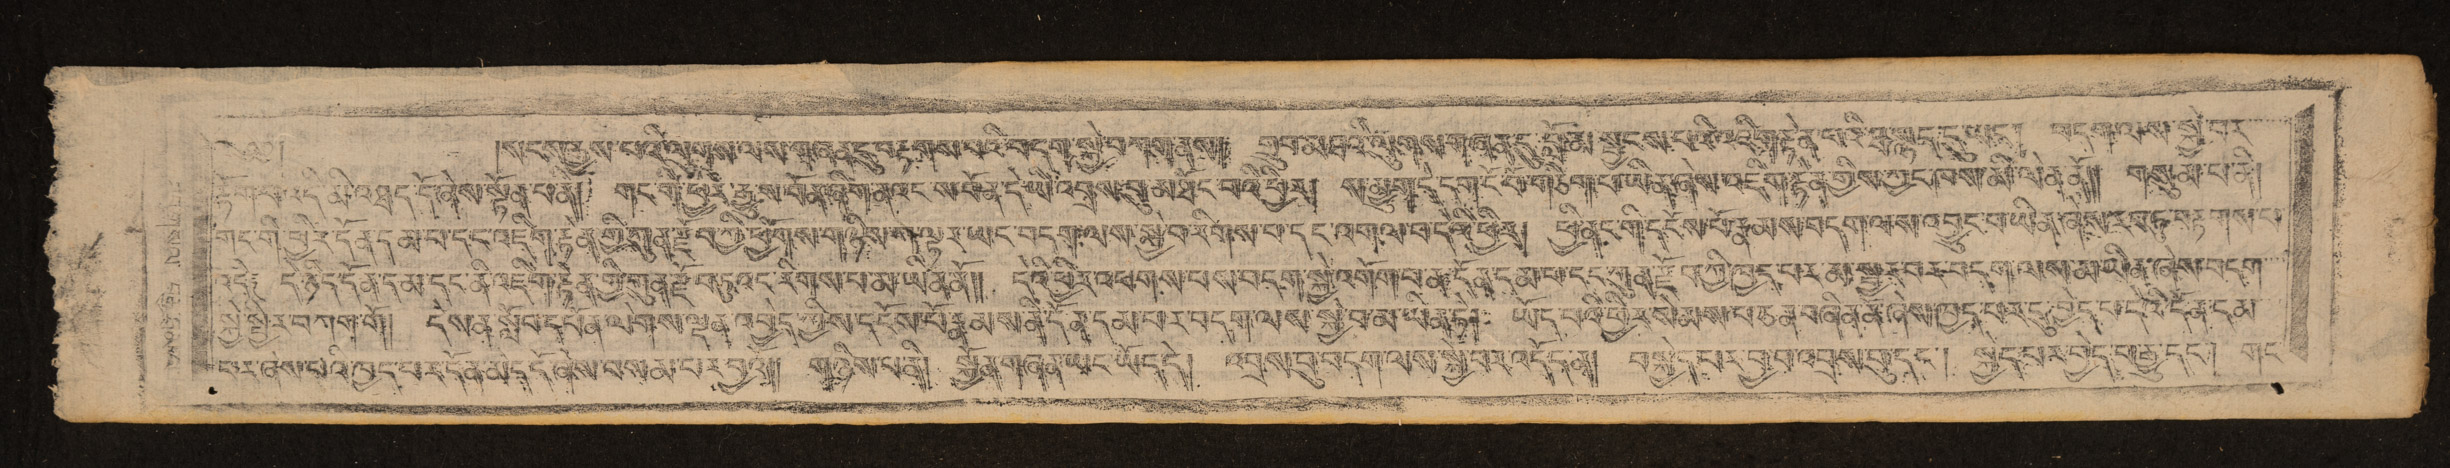༄༅། ། སངས་རྒྱས་པའི་ལུགས་ལས་གཞན་དུ་བརྟགས་པའི་བདག་སྐྱེ་བཀག་ནས། གྲུབ་མཐའི་ལུགས་གཞན་དུ་བློ་མ་སྦྱངས་པའི་འཇིག་རྟེན་པའི་ཐ་སྙད་དུ་ཡང་། བདག་ལས་སྐྱེ་བར་
རྟོག་པ་འདི་མི་འཐད་དོ་ཞེས་སྟོན་པ་ནི། གང་གི་ཕྱིར་རྒྱུ་ས་བོན་ཞིག་ནའང་ས་བོན་དེ་ཡི་འབྲས་བུ་མཐོང་བའི་ཕྱིར། ས་མྱུག་དེ་དག་ངོ་བོ་གཅིག་པ་ཡིན་ཞེས་འཇིག་རྟེན་གྱིས་ཀྱང་ཁས་མི་ལེན་ནོ།། གསུམ་པ་ནི།
གང་གི་ཕྱིར་དོན་དམ་པ་དང་འཇིག་རྟེན་གྱི་ཀུན་རྫོབ་ཀྱི་ཕྱོགས་གཉིས་ཀ་ལྟར་ཡང་བདག་ལས་སྐྱེ་བ་རིགས་པ་དང་འགལ་བ་དེའི་ཕྱིར། ཕྱི་ནང་གི་དངོས་པོ་རྣམས་བདག་ལས་འབྱུང་བ་ཡིན་ཞེས་རབ་ཏུ་བརྟགས་པ་
འདི༑ དེ་ཉིད་དོན་དམ་དང་ནི་འཇིག་རྟེན་གྱི་ཀུན་རྫོབ་ཏུའང་རིགས་པ་མ་ཡིན་ནོ།། དེའི་ཕྱིར་འཕགས་པས་བདག་སྐྱེ་འགོག་པ་ན་དོན་དམ་པ་དང་ཀུན་རྫོབ་ཀྱི་ཁྱད་པར་མ་སྦྱར་བར་བདག་ལས་མ་ཡིན་ཞེས་བདག་
སྐྱེ་སྤྱིར་བཀག་གོ། དེས་ན་སློབ་དཔོན་ལེགས་ལྡན་འབྱེད་ཀྱིས་དངོས་པོ་རྣམས་ནི་དོན་དམ་པར་བདག་ལས་སྐྱེ་བ་མ་ཡིན་ཏེ། ཡོད་པའི་ཕྱིར་སེམས་པ་ཅན་བཞིན་ནོ་ཞེས་ཁྱད་པར་དུ་བྱེད་པ་དེའི་དོན་དམ་
པར་ཞེས་པའི་ཁྱད་པར་དོན་མེད་དོ་ཞེས་བསམ་པར་བྱའོ།། གཉིས་པ་ནི། སྐྱོན་གཞན་ཡང་ཡོད་དེ། འབྲས་བུ་བདག་ལས་སྐྱེ་བར་འདོད་ན། བསྐྱེད་པར་བྱ་བ་འབྲས་བུ་དང་། སྐྱེད་པར་བྱེད་པ་རྒྱུ་དང་། གང་